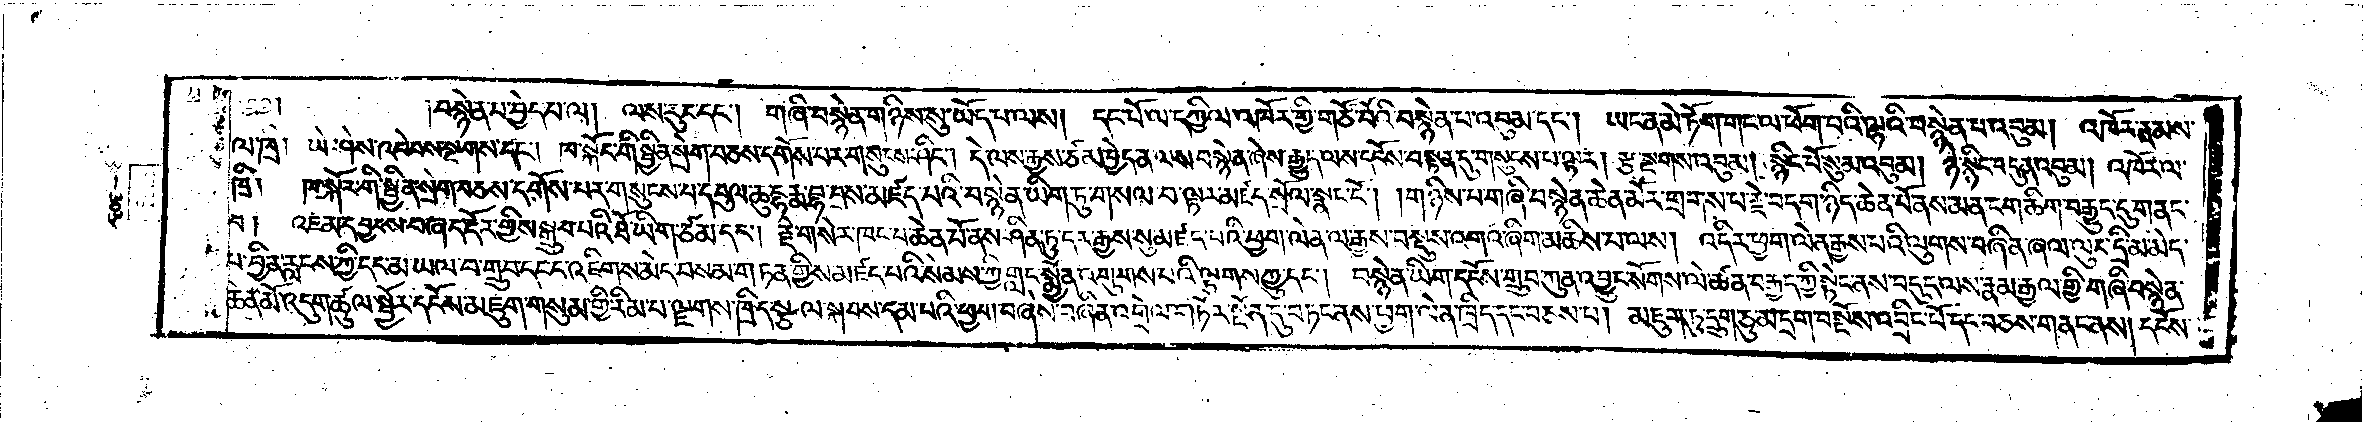༄༅། །བསྙེན་པ་བྱེད་པ་ལ། ལས་རུང་དང་། གཞི་བསྙེན་གཉིས་སུ་ཡོད་པ་ལས། དང་པོ་ལ་དཀྱིལ་འཁོར་གྱི་གཙོ་བོའི་བསྙེན་པ་འབུམ་དང་། ཡང་ན་མེ་ཏོག་གང་ལ་ཕོག་པའི་ལྷའི་བསྙེན་པ་འབུམ། འཁོར་རྣམས་
ལ་ཁྲི། ཡེ་ཤེས་འབེབས་སྔགས་དང་། ཁ་སྐོང་གི་སྦྱིན་སྲེག་བཅས་དགོས་པར་གསུངས་ཤིང་། དེ་ལས་རྒྱས་ཙམ་བྱེད་ན་ལས་བསྙེན་ཞེས་རྒྱུད་ལས་དངོས་བསྟན་དུ་གསུངས་པ་ལྟར། རྩ་སྔགས་འབུམ། སྙིང་པོ་སུམ་འབུམ། ཉེ་སྙིང་བདུན་འབུམ། འཁོར་ལ་
ཁྲི། ཁ་སྐོར་གི་སྦྱིན་སྲེག་བཅས་དགོས་པར་གསུངས་པ་དབུལ་ཆུ་དྷརྨ་བྲས་མཛད་པའི་བསྙེན་ཡིག་ཏུ་གསལ་བ་ལྟར་མཛད་སྲོལ་སྣང་ངོ། །གཉིས་པ་གཞི་བསྙེན་ཆེན་མོར་གྲགས་པ་རྗེ་བདག་ཉིད་ཆེན་པོ་ནས་མན་ངག་ཆིག་བརྒྱུད་དུག་ནང་
པ། འཇམ་དབྱངས་བཞད་རྡོར་གྱིས་སྒྲུབ་པའི་ཐོ་ཡིག་ཙམ་དང་། རྗེ་གསེར་ཁང་པ་ཆེན་པོ་ནས་ཤིན་ཏུ་དར་རྒྱས་སུ་མཛད་པའི་ཕྱག་ལེན་ལ་རྒྱས་བསྡུས་འགའ་ཞིག་མཆིས་པ་ལས། འདིར་ཕྱག་ལེན་རྒྱས་པའི་ལུགས་བཞིན་ཞལ་ལུང་དྲི་མ་མེད་
པ་བྱིན་རླངས་ཀྱི་དང་མ་ཡལ་བ་གྲུབ་དང་འཇིགས་མེད་བསམ་གཏན་གྱིས་མཛད་པའི་སེམས་ཀྱི་གླང་སྨྱོན་འགུགས་པའི་ལྕགས་ཀྱུ་དང་། བསྙེན་ཡིག་དངོས་གྲུབ་ཀུན་འབྱུང་སོགས་ལེ་ཚན་བརྒྱད་ཀྱི་སྟེང་ནས་བདུད་ལས་རྣམ་རྒྱལ་གྱི་གཞི་བསྙེན་
ཆེན་མོ་འདུག་ཚུལ་སྦྱོར་དངོས་མཇུག་གསུམ་གྱི་རིམ་པ་ལྗགས་ཁྲིད་སྩལ་སྐབས་དམ་པའི་ཕྱག་བཞེས་བཞིན་འགྲེལ་གཏོར་སྔོན་དུ་བཏང་ནས་ཕྱག་ལེན་ཁྲིད་དང་བཅས་པ། མཇུག་ཏུ་དྲུག་ཅུ་མ་དྲག་བསྔོས་འབྲིང་པོ་དང་བཅས་གནང་ནས། དངོས་